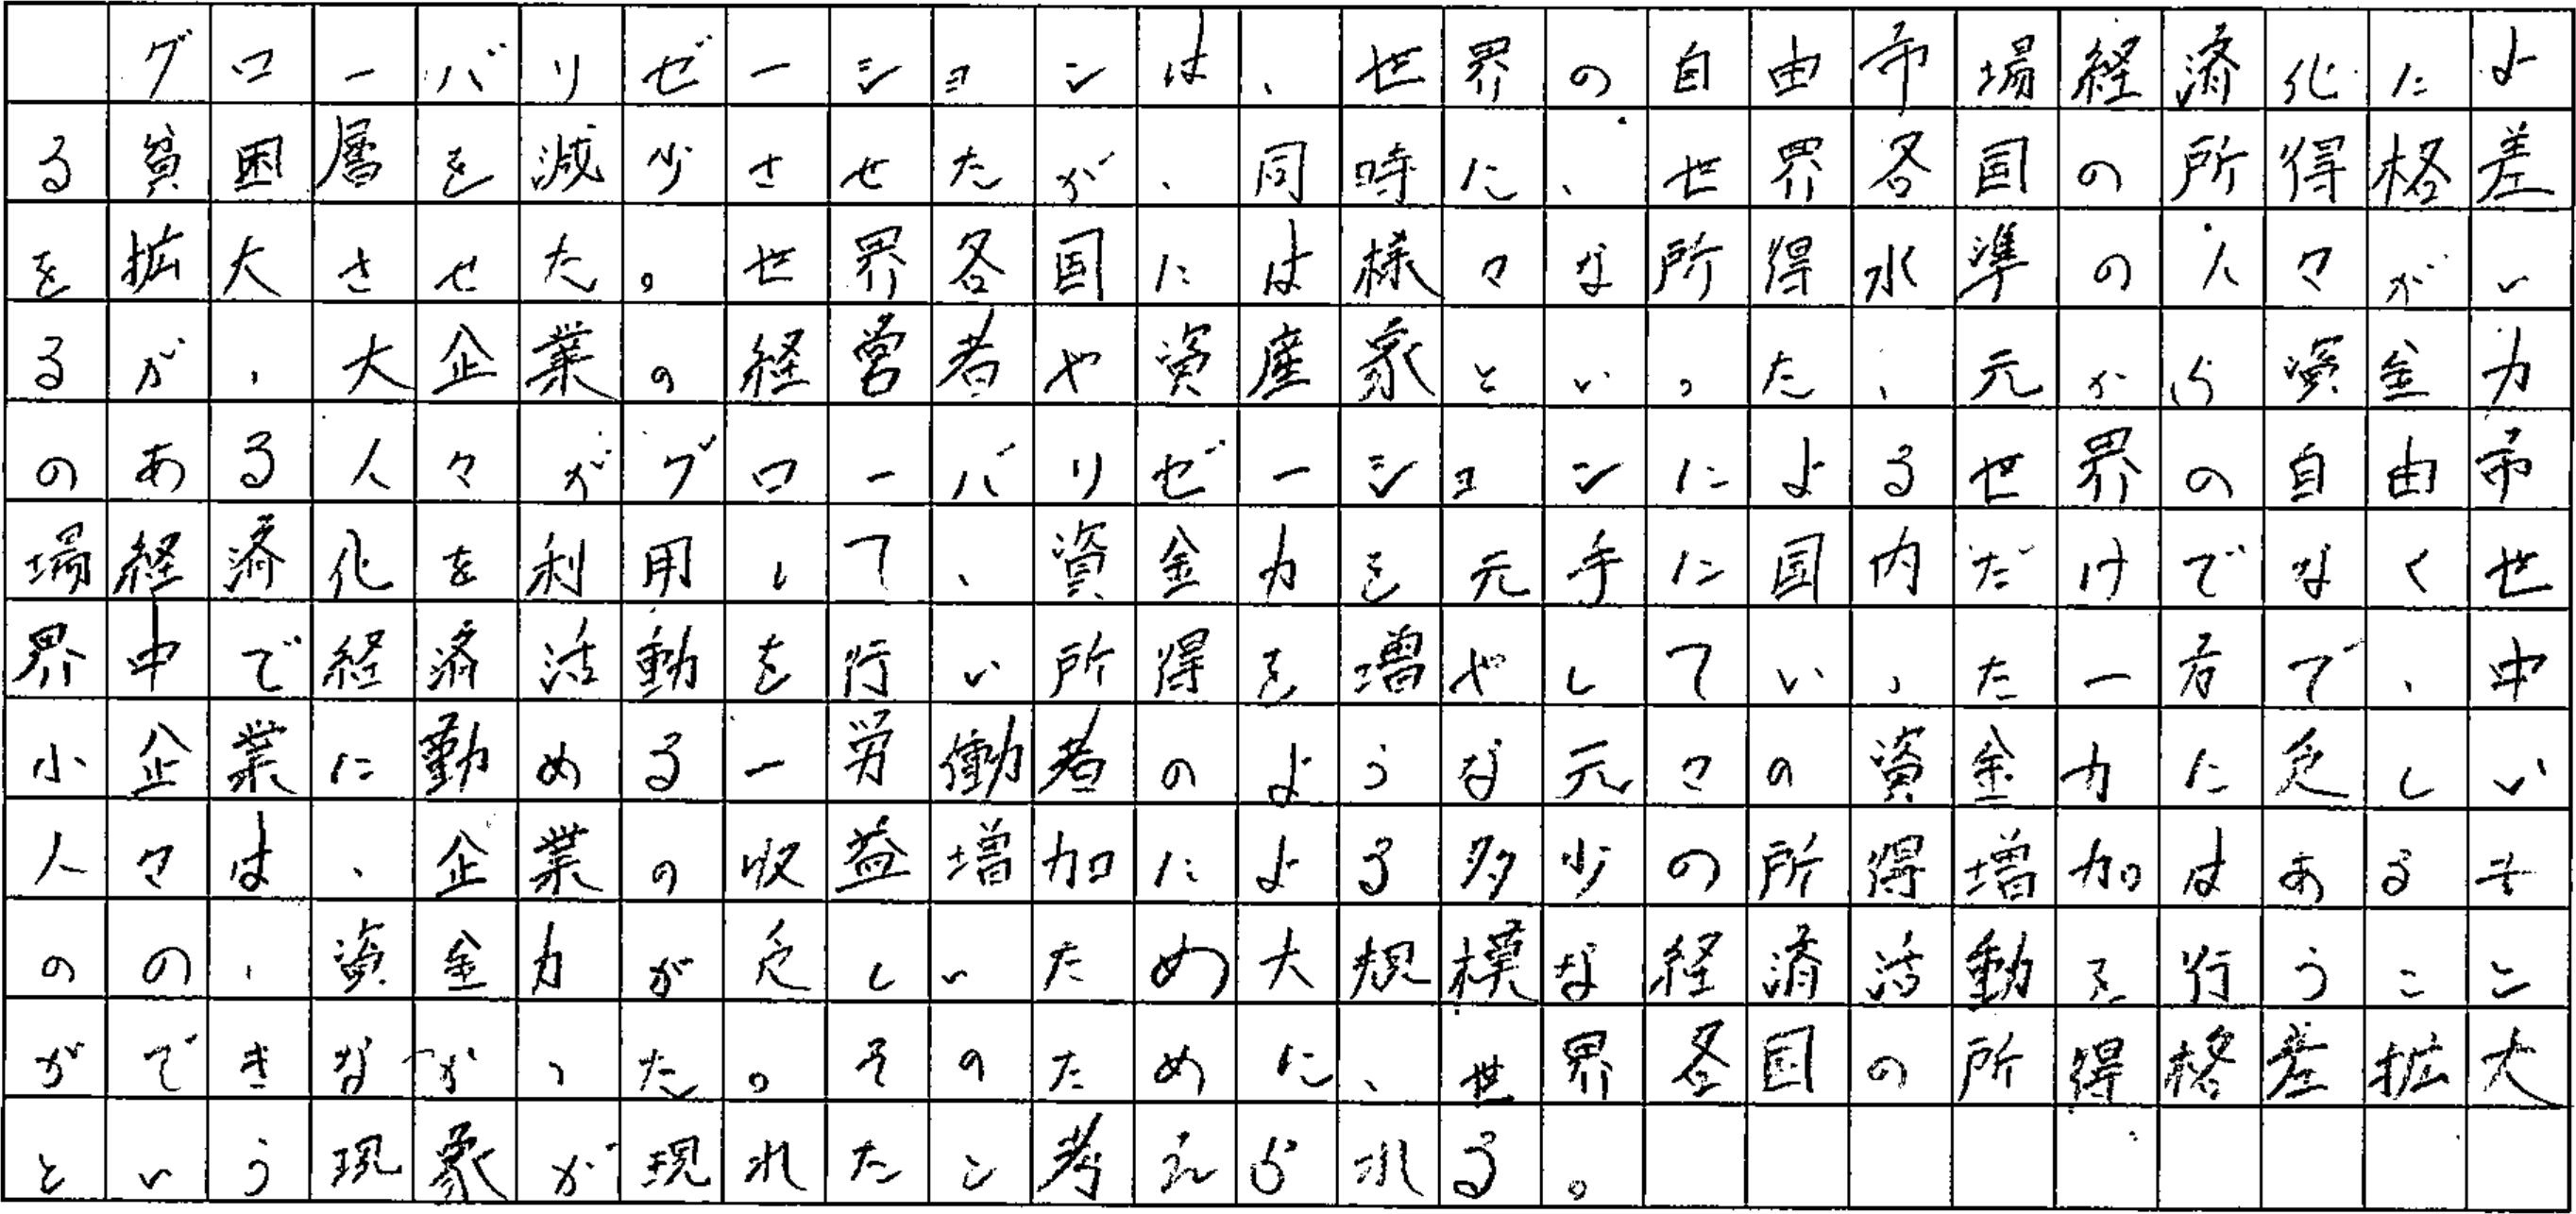　グローバリゼーションは、世界の自由市場経済化による貧困層を減少させたが、同時に、世界各国の所得格差を拡大させた。世界各国には様々な所得水準の人々がいるが、大企業の経営者や資産家といった、元から資金力のある人々がグローバリゼーションによる世界の自由市場経済化を利用して、資金力を元手に国内だけでなく世界中で経済活動を行い所得を増やしていった一方で、中小企業に勤める一労働者のような元々の資金力に乏しい人々は、企業の収益増加による多少の所得増加はあるものの、資金力が乏しいため大規模な経済活動を行うことができなかった。そのために、世界各国の所得格差拡大という現象が現れたと考えられる。
